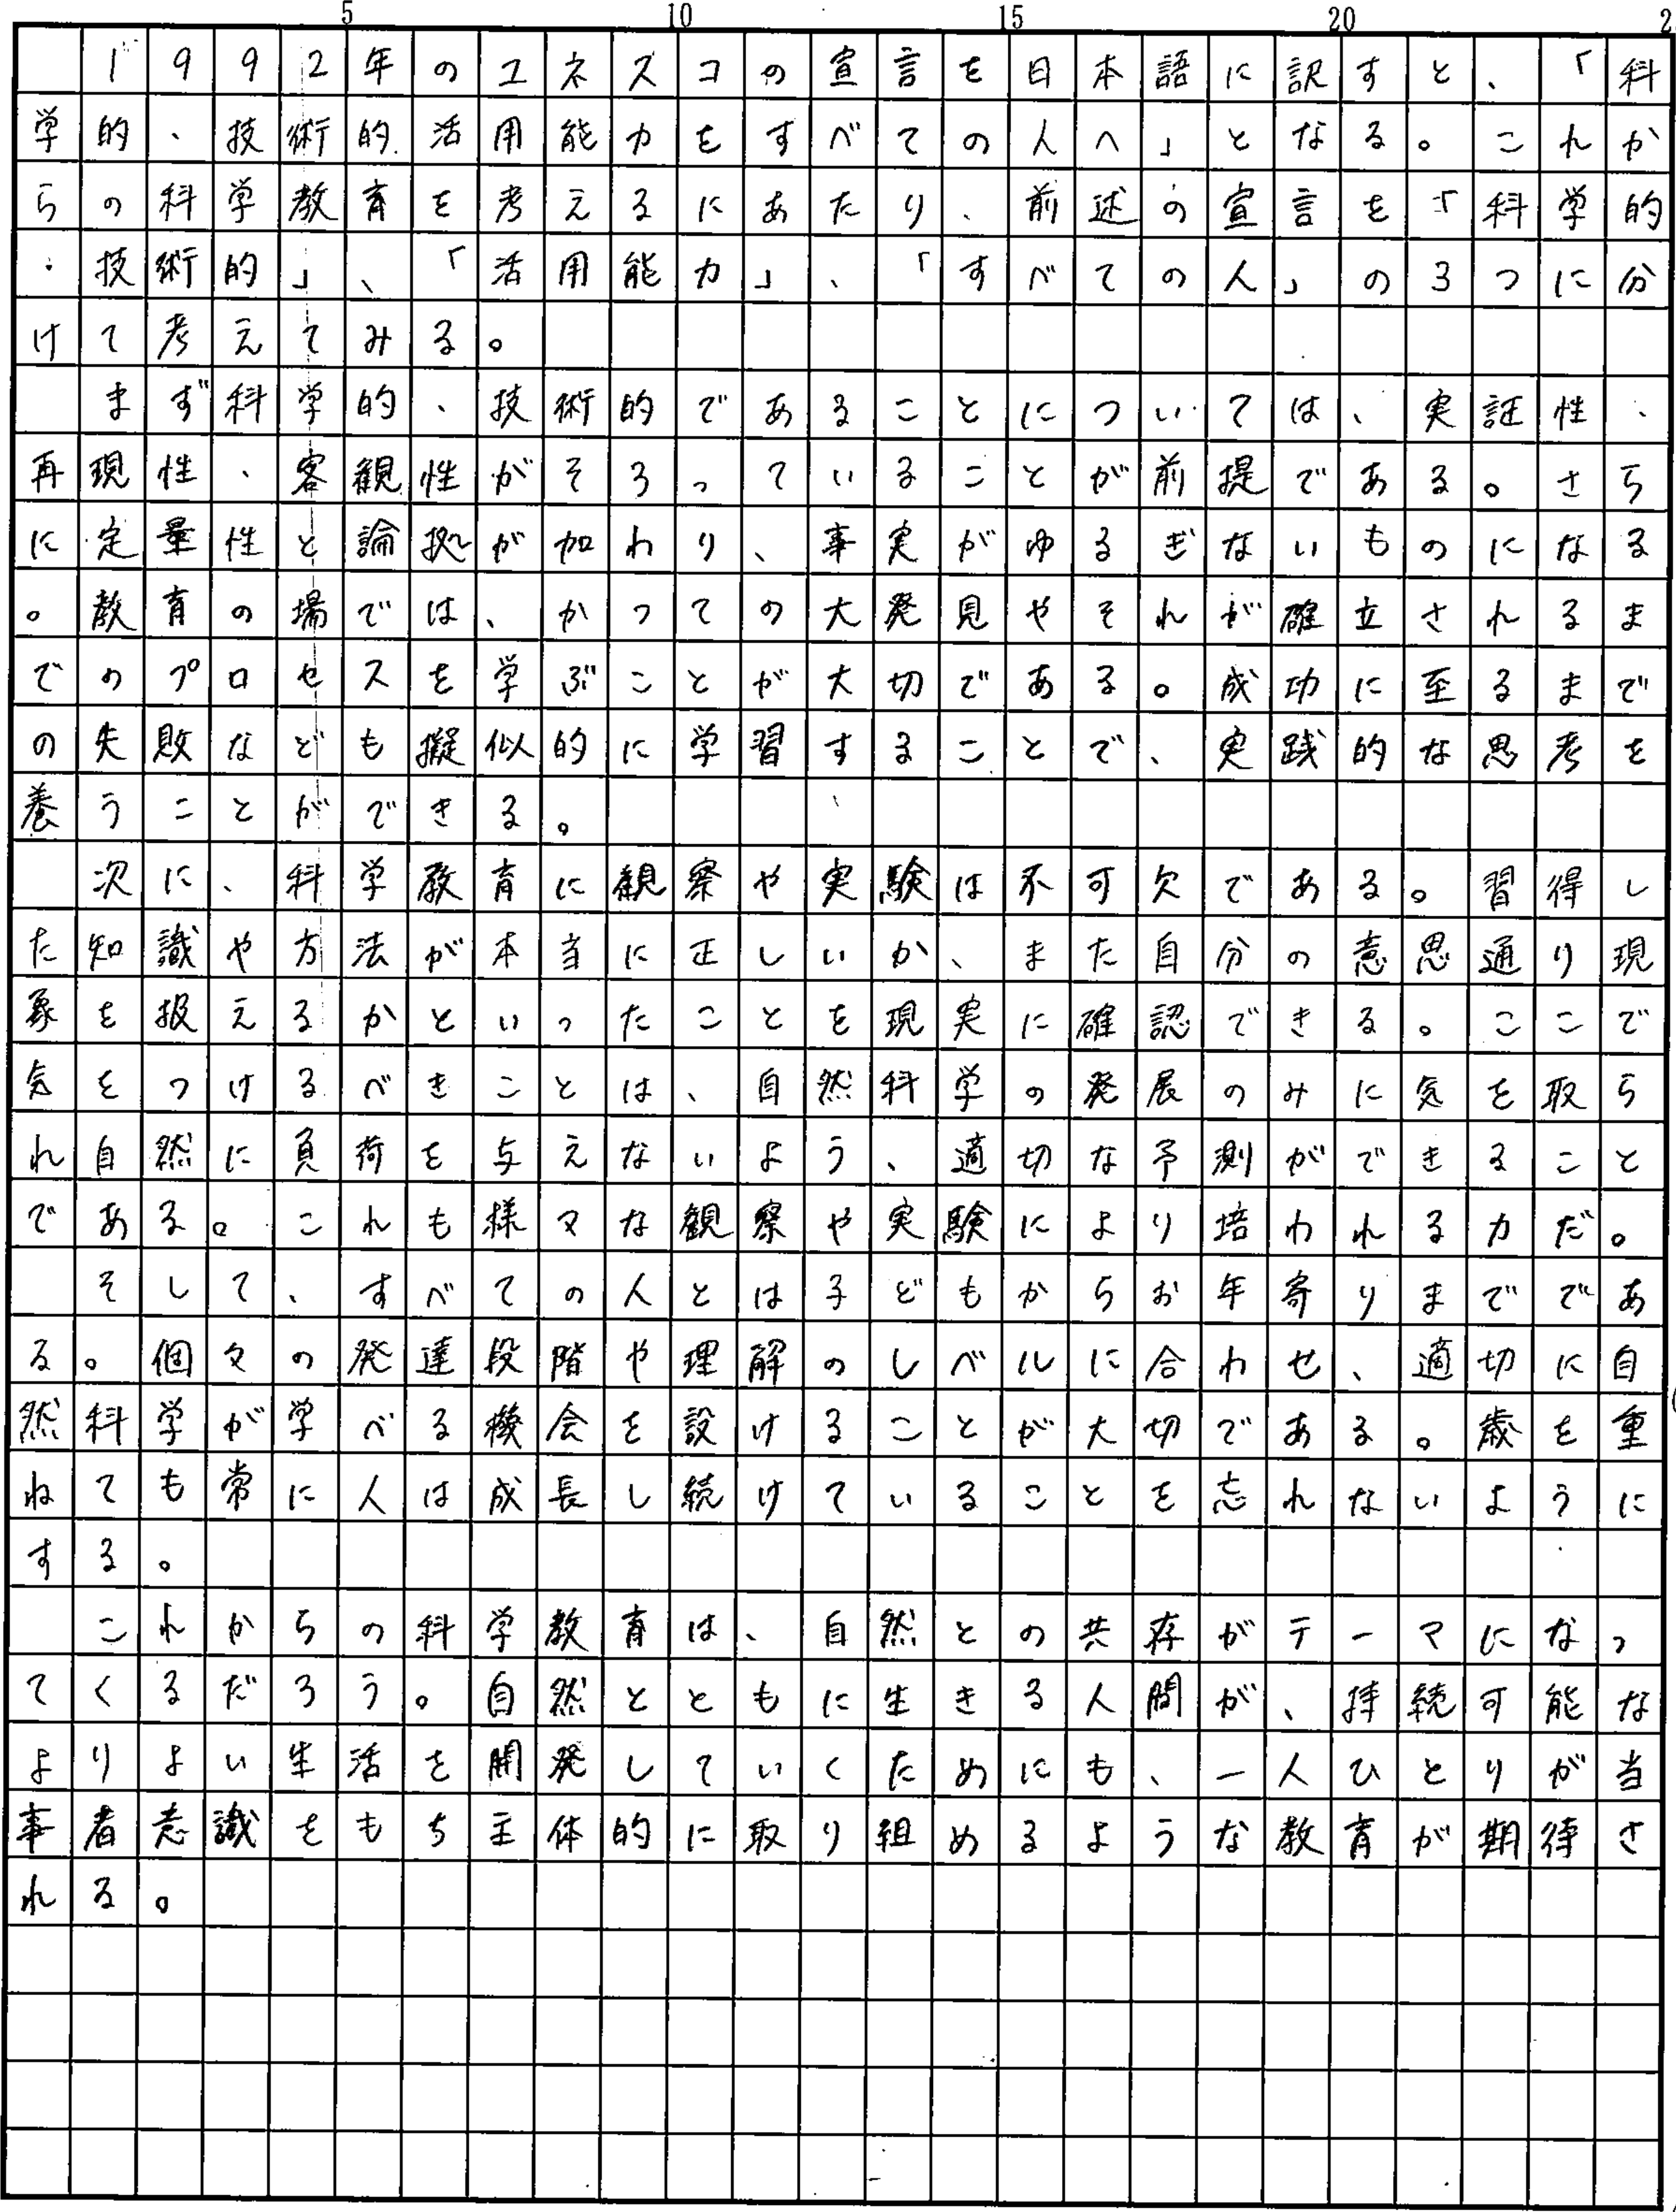　１９９２年のユネスコの宣言を日本語に訳すと、「科学的、技術的活用能力をすべての人へ」となる。これからの科学教育を考えるにあたり、前述の宣言を「科学的・技術的」、「活用能力」、「すべての人」の３つに分けて考えてみる。
　まず科学的・技術的であることについては、実証性・再現性・客観性がそろっていることが前提である。さらに定量性と論拠が加わり、事実がゆるぎないものになる。教育の場では、かつての大発見やそれが確立されるまでのプロセスを学ぶことが大切である。成功に至るまでの失敗なども擬似的に学習することで、実践的な思考を養うことができる。
　次に、科学教育に観察や実験は不可欠である。習得した知識や方法が本当に正しいか、また自分の意思通り現象を扱えるかといったことを現実に確認できる。ここで気をつけるべきことは、自然科学の発展のみに気を取られ自然に負荷を与えないよう、適切な予測ができることである。これも様々な観察や実験により培われる力だ。
　そして、すべての人とは子どもからお年寄りまでである。個々の発達段階や理解のレベルに合わせ、適切に自然科学が学べる機会を設けることが大切である。歳を重ねても常に人は成長し続けていることを忘れないようにする。
　これからの科学教育は、自然との共存がテーマになってくるだろう。自然とともに生きる人間が、持続可能なよりよい生活を開発していくためにも、一人ひとりが当事者意識をもち主体的に取り組めるような教育が期待される。
